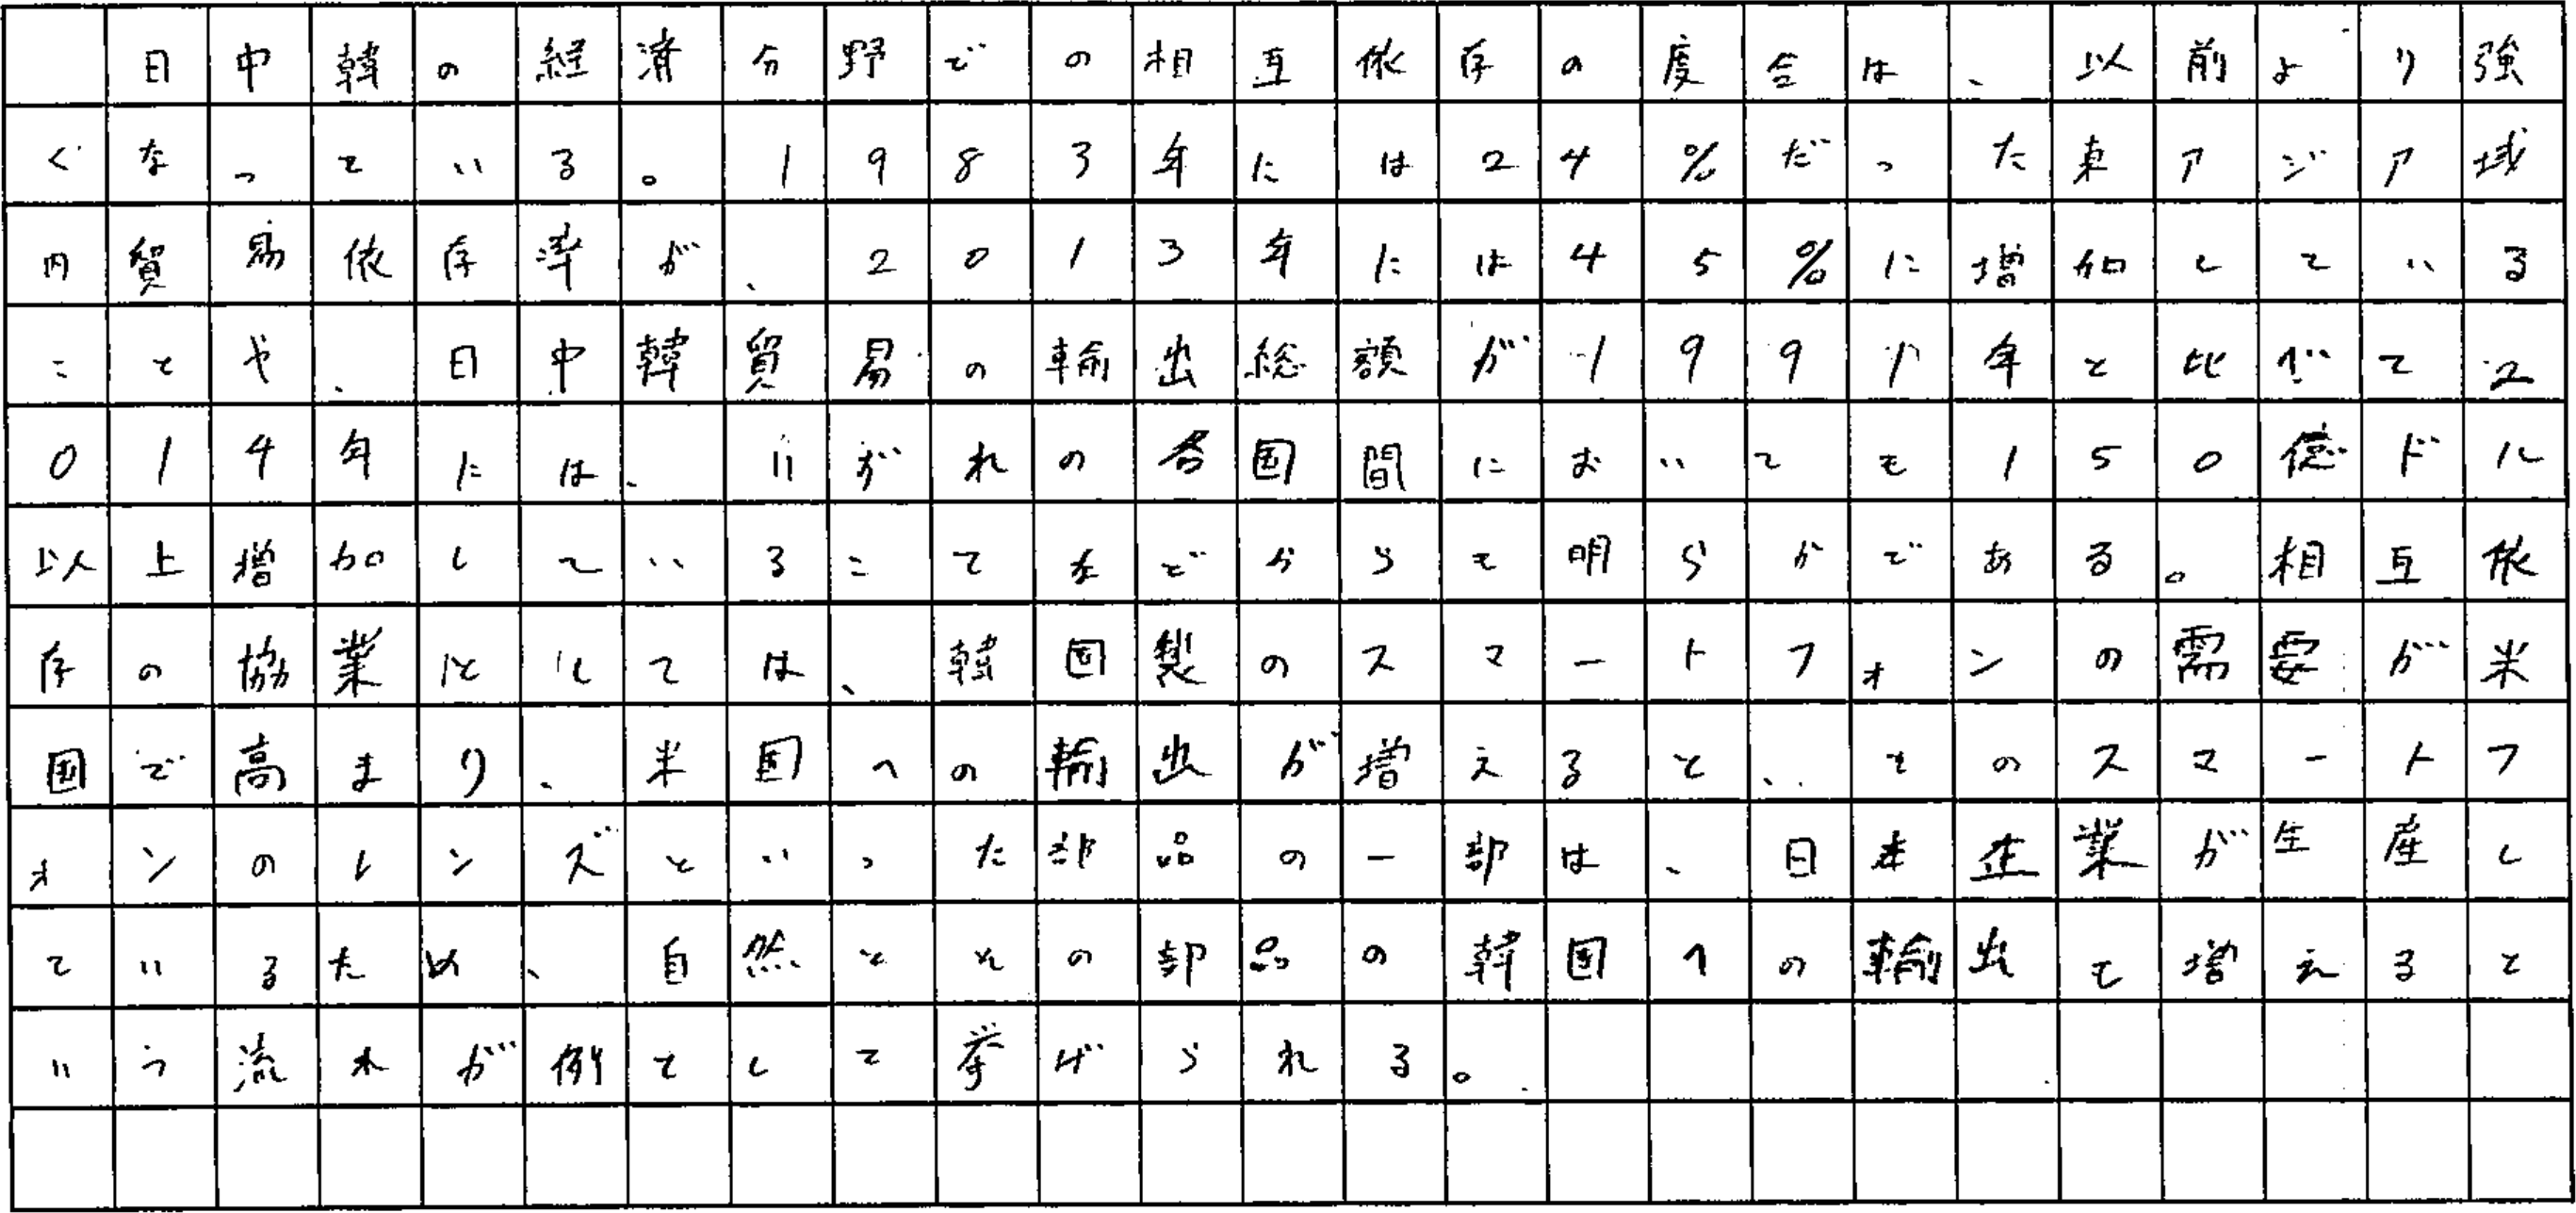　日中韓の経済分野での相互依存の度合は、以前より強くなっている。１９８３年には２４％だった東アジア域内貿易依存率が、２０１３年には４５％に増加していることや、日中韓貿易の輸出総額が１９９１年と比べて２０１４年には、いずれの各国間においても１５０億ドル以上増加していることなどからも明らかである。相互依存の協業としては、韓国製のスマートフォンの需要が米国で高まり、米国への輸出が増えると、そのスマートフォンのレンズといった部品の一部は、日本企業が生産しているため、自然とその部品の韓国への輸出も増えるという流れが例として挙げられる。
